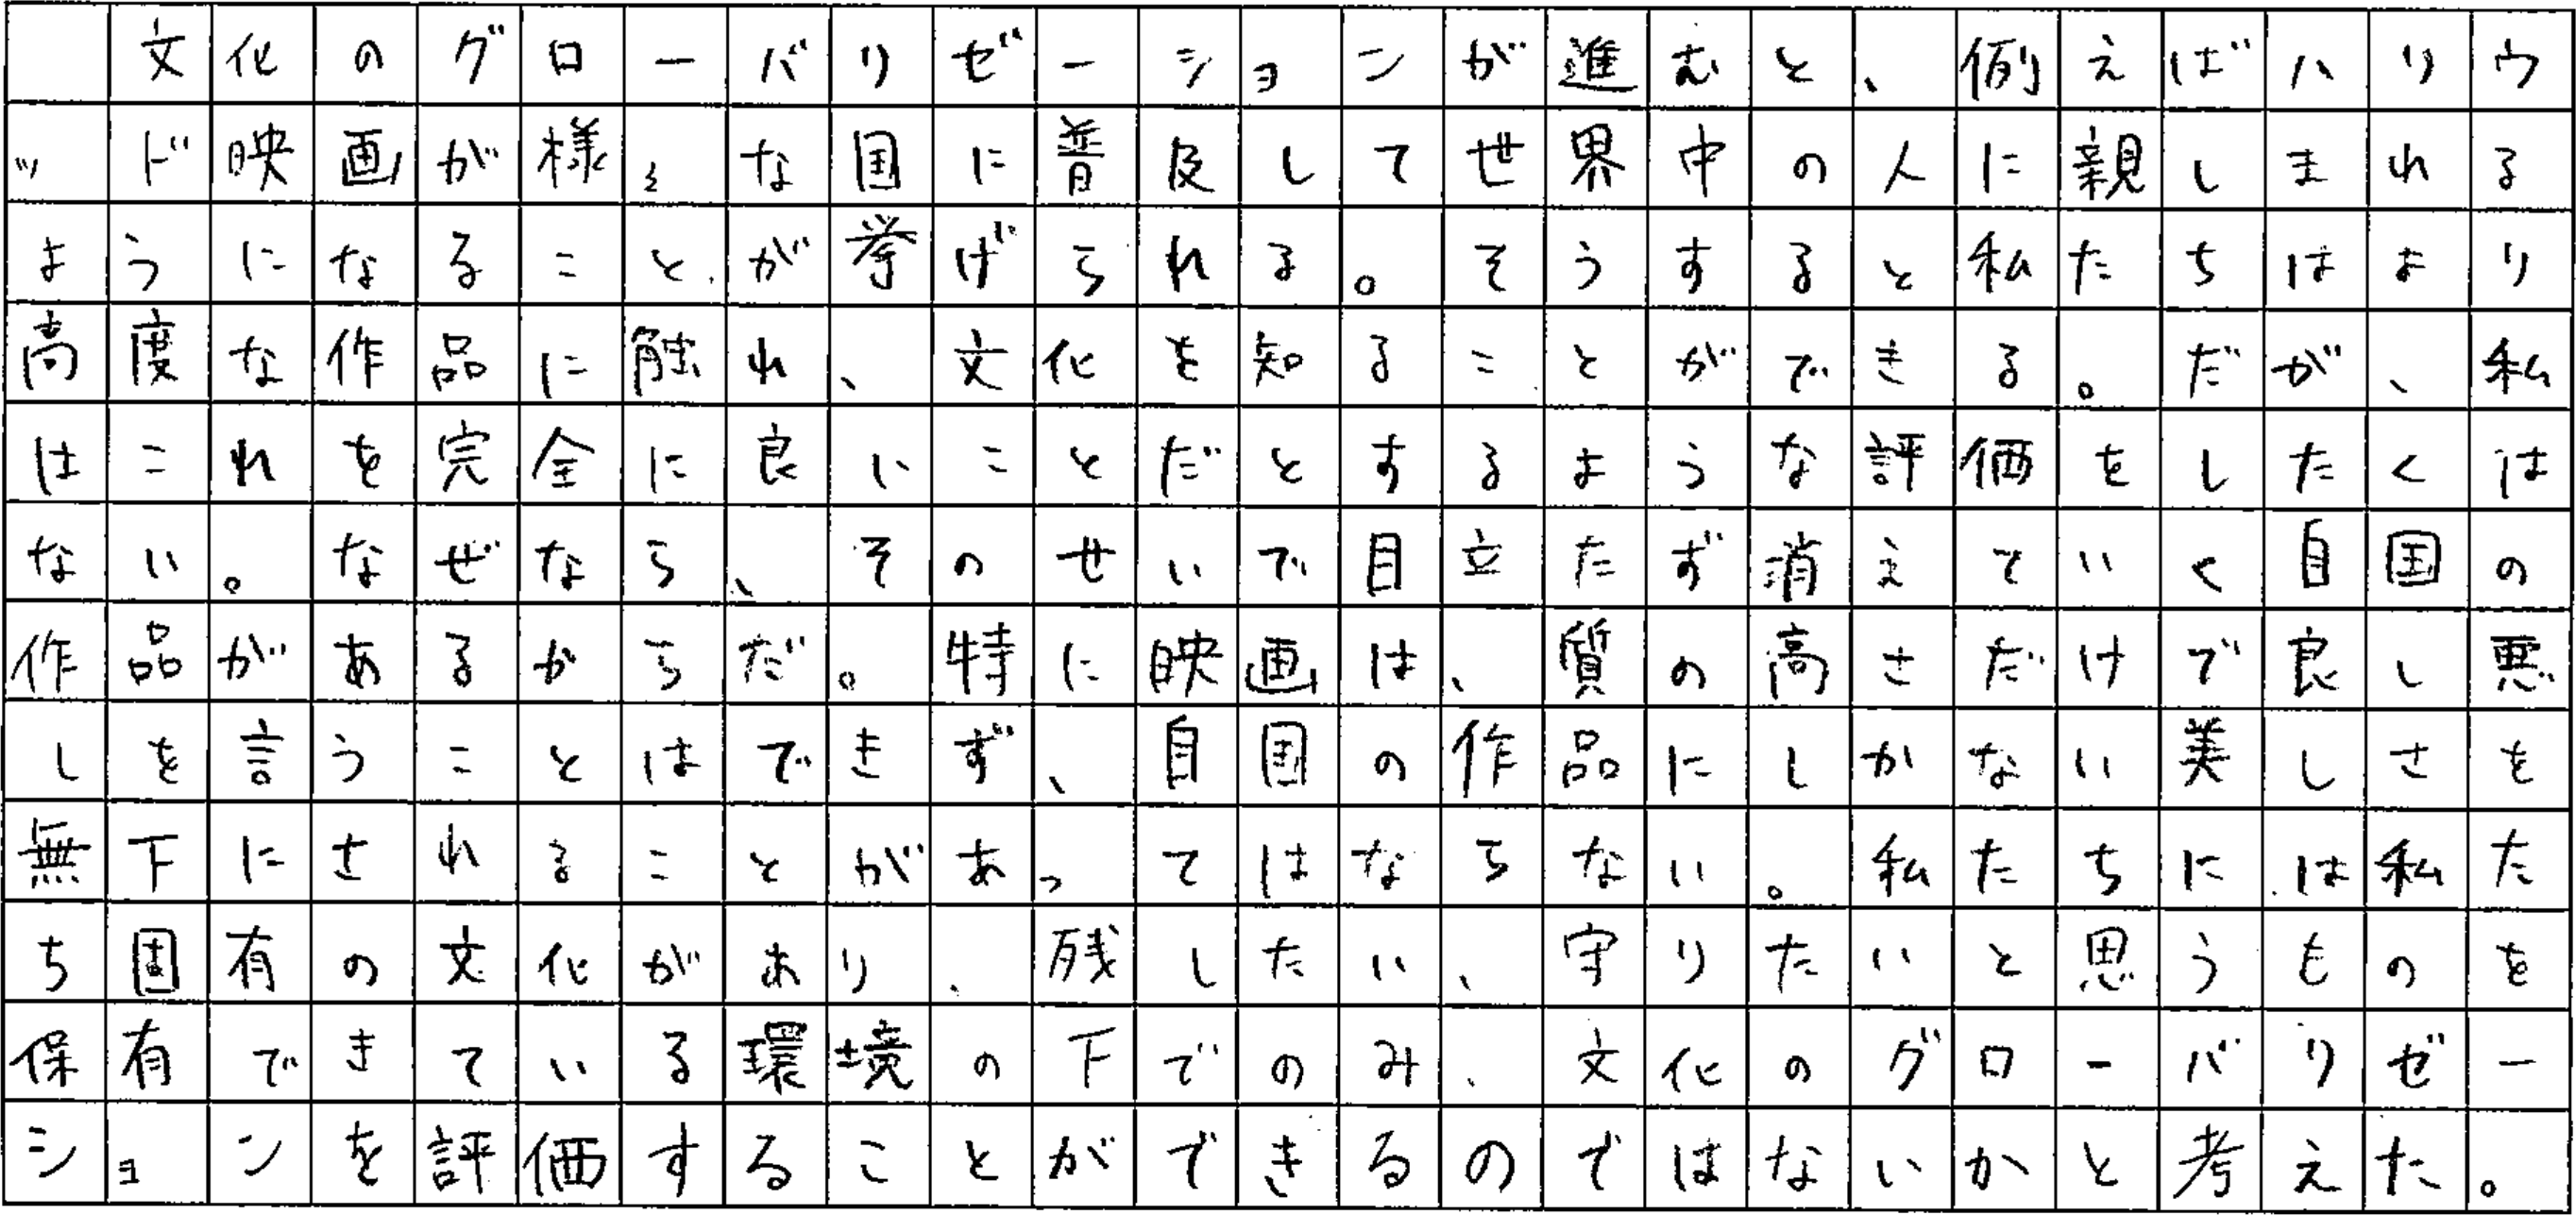　文化のグローバリゼーションが進むと、例えばハリウッド映画が様々な国に普及して世界中の人に親しまれるようになることが挙げられる。そうすると私たちはより高度な作品に触れ、文化を知ることができる。だが、私はこれを完全に良いことだとするような評価をしたくはない。なぜなら、そのせいで目立たず消えていく自国の作品があるからだ。特に映画は、質の高さだけで良し悪しを言うことはできず、自国の作品にしかない美しさを無下にされることがあってはならない。私たちには私たち固有の文化があり、残したい、守りたいと思うものを保有できている環境の下でのみ、文化のグローバリゼーションを評価することができるのではないかと考えた。
